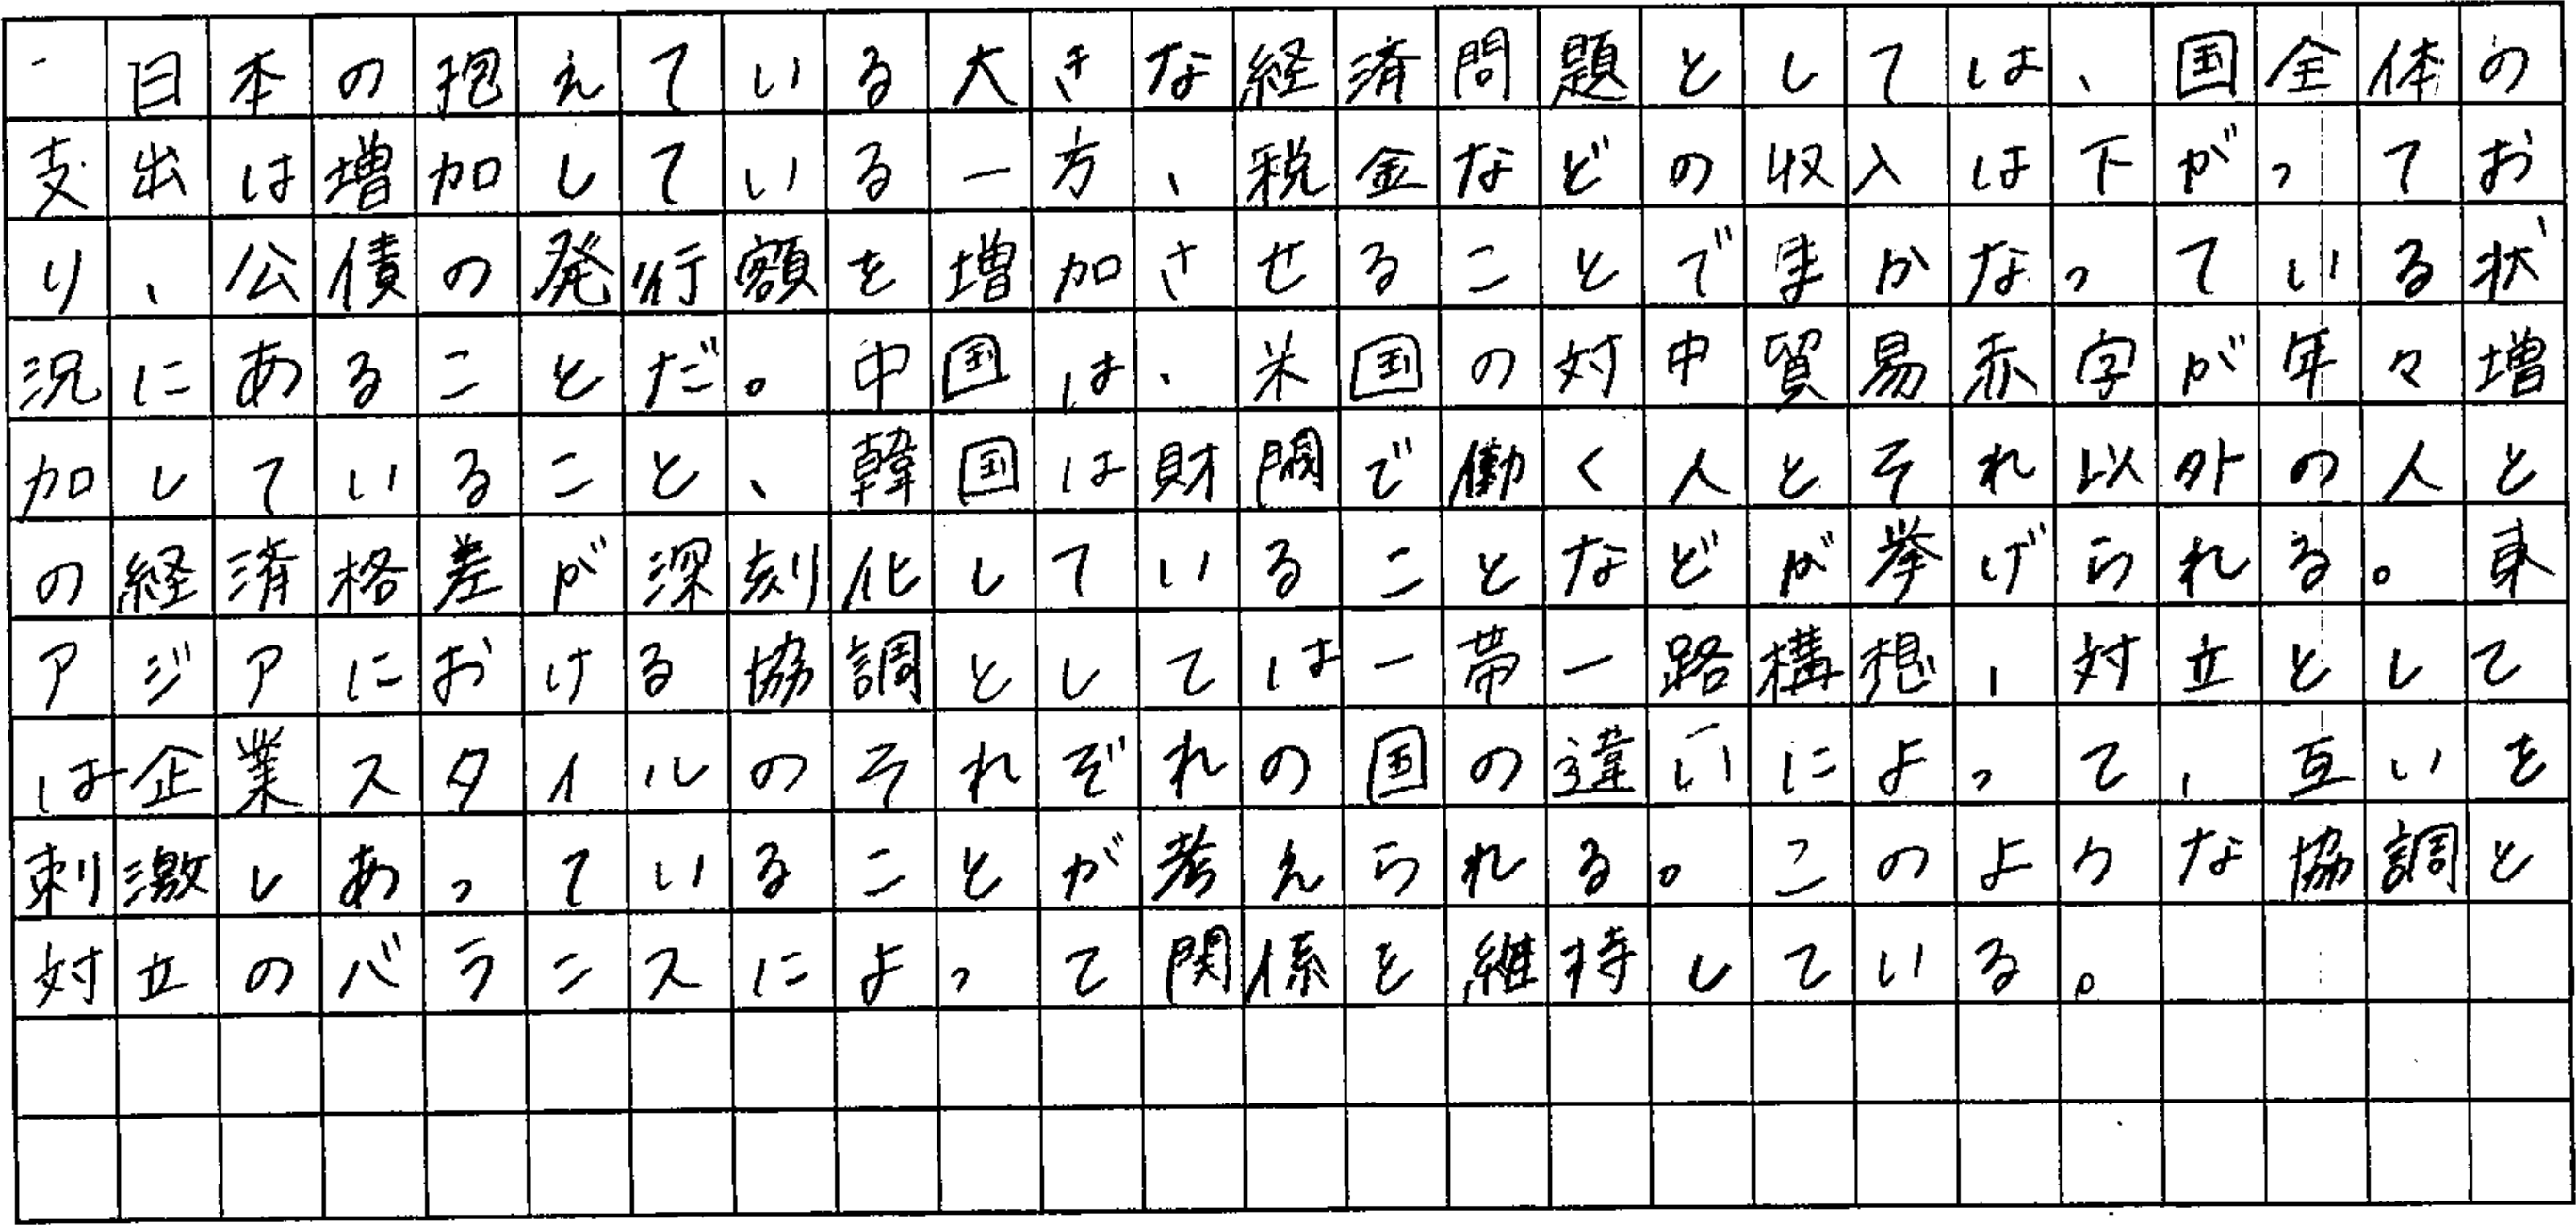　日本の抱えている大きな経済問題としては、国全体の支出は増加している一方、税金などの収入は下がっており、公債の発行額を増加させることでまかなっている状況にあることだ。中国は、米国の対中貿易赤字が年々増加していること、韓国は財閥で働く人とそれ以外の人との経済格差が深刻化していることなどが挙げられる。東アジアにおける協調としては一帯一路構想、対立としては企業スタイルのそれぞれの国の違いによって、互いを刺激しあっていることが考えられる。このような協調と対立のバランスによって関係を維持している。
